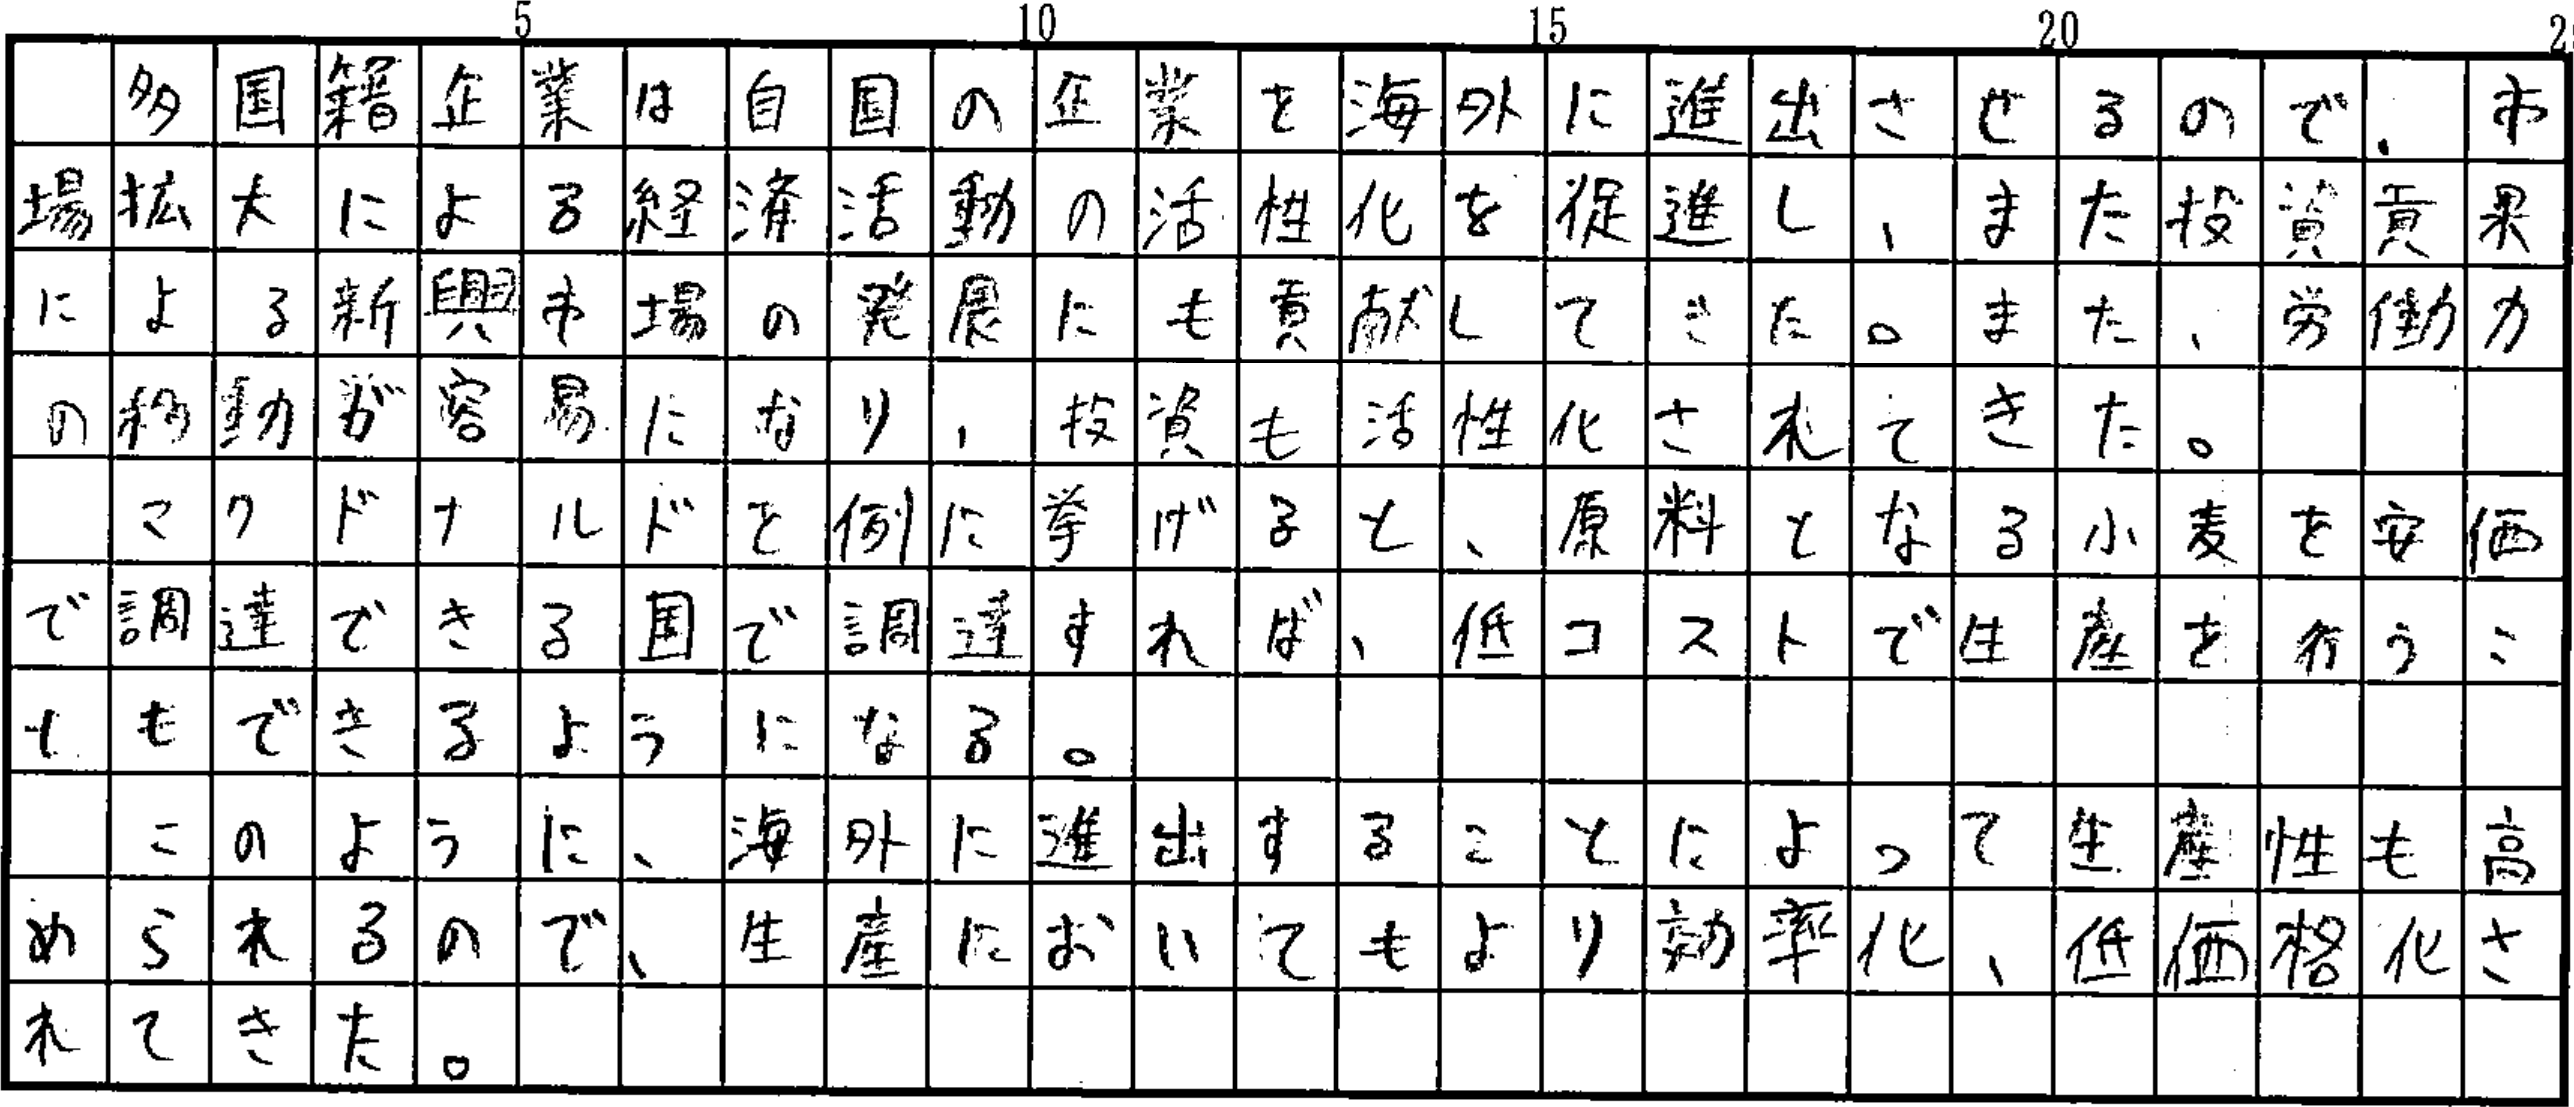　多国籍企業は自国の企業を海外に進出させるので、市場拡大による経済活動の活性化を促進し、また投資貢果による新興市場の発展にも貢献してきた。また、労働力の移動が容易になり、投資も活性化されてきた。
　マクドナルドを例に挙げると、原料となる小麦を安価で調達できる国で調達すれば、低コストで生産を行うこともできるようになる。
　このように、海外に進出することによって生産性も高められるので、生産においてもより効率化、低価格化されてきた。
